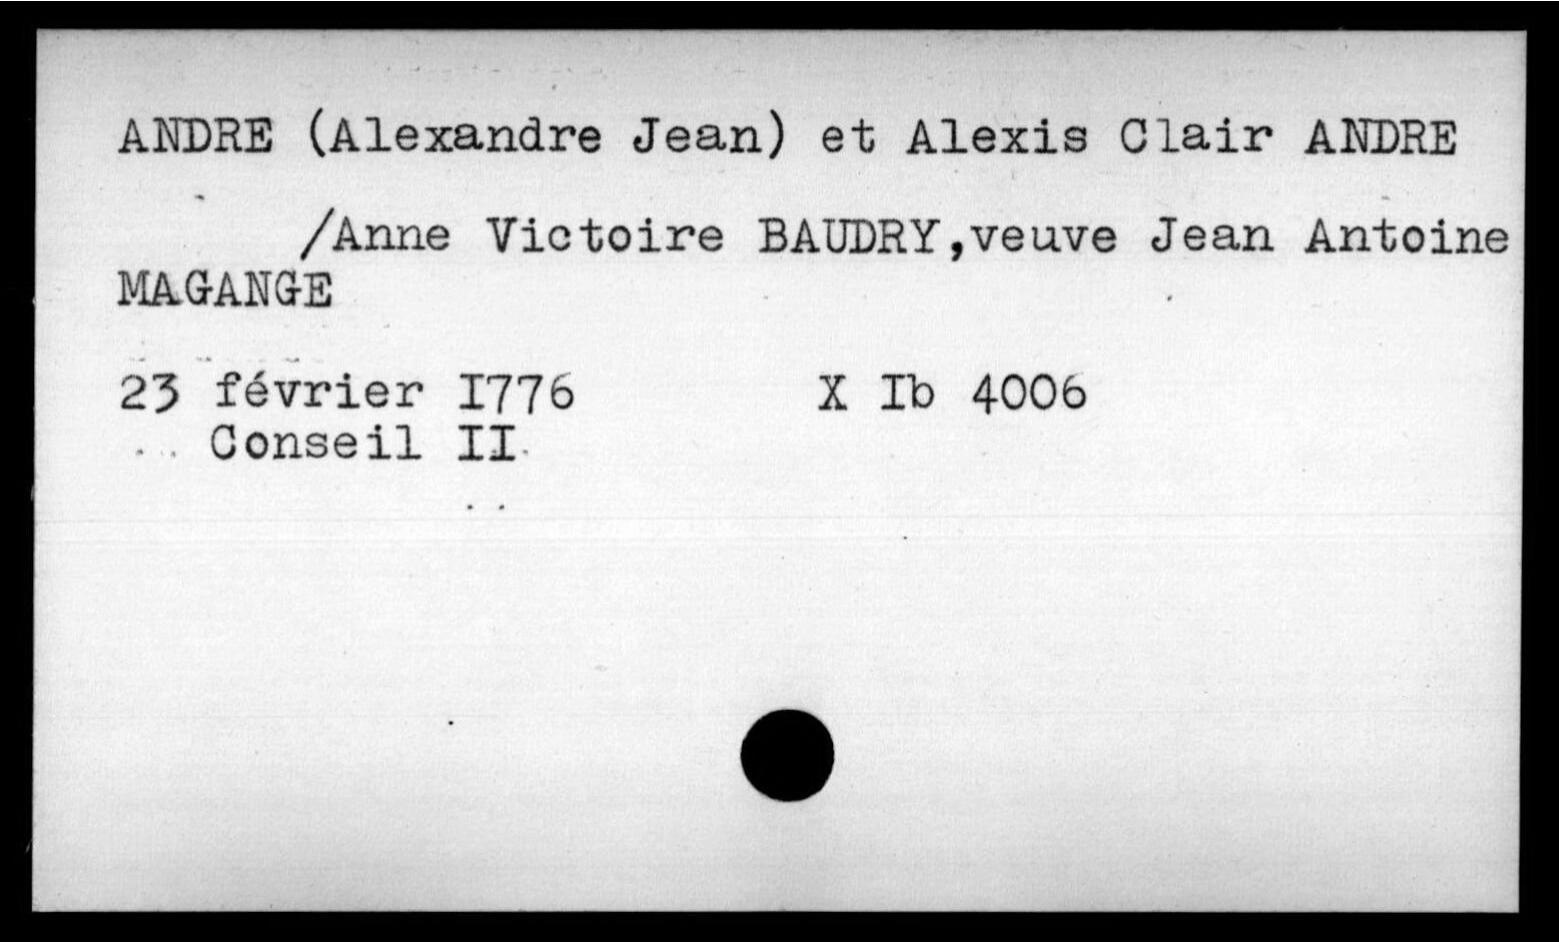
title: ANDRE (Alexandre Jean) et Alexis Clair ANDRE
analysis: Contre Anne Victoire BAUDRY, veuve Jean Antoine MAGANGE
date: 23 février 1776
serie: X1b
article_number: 4006
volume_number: Conseil II
